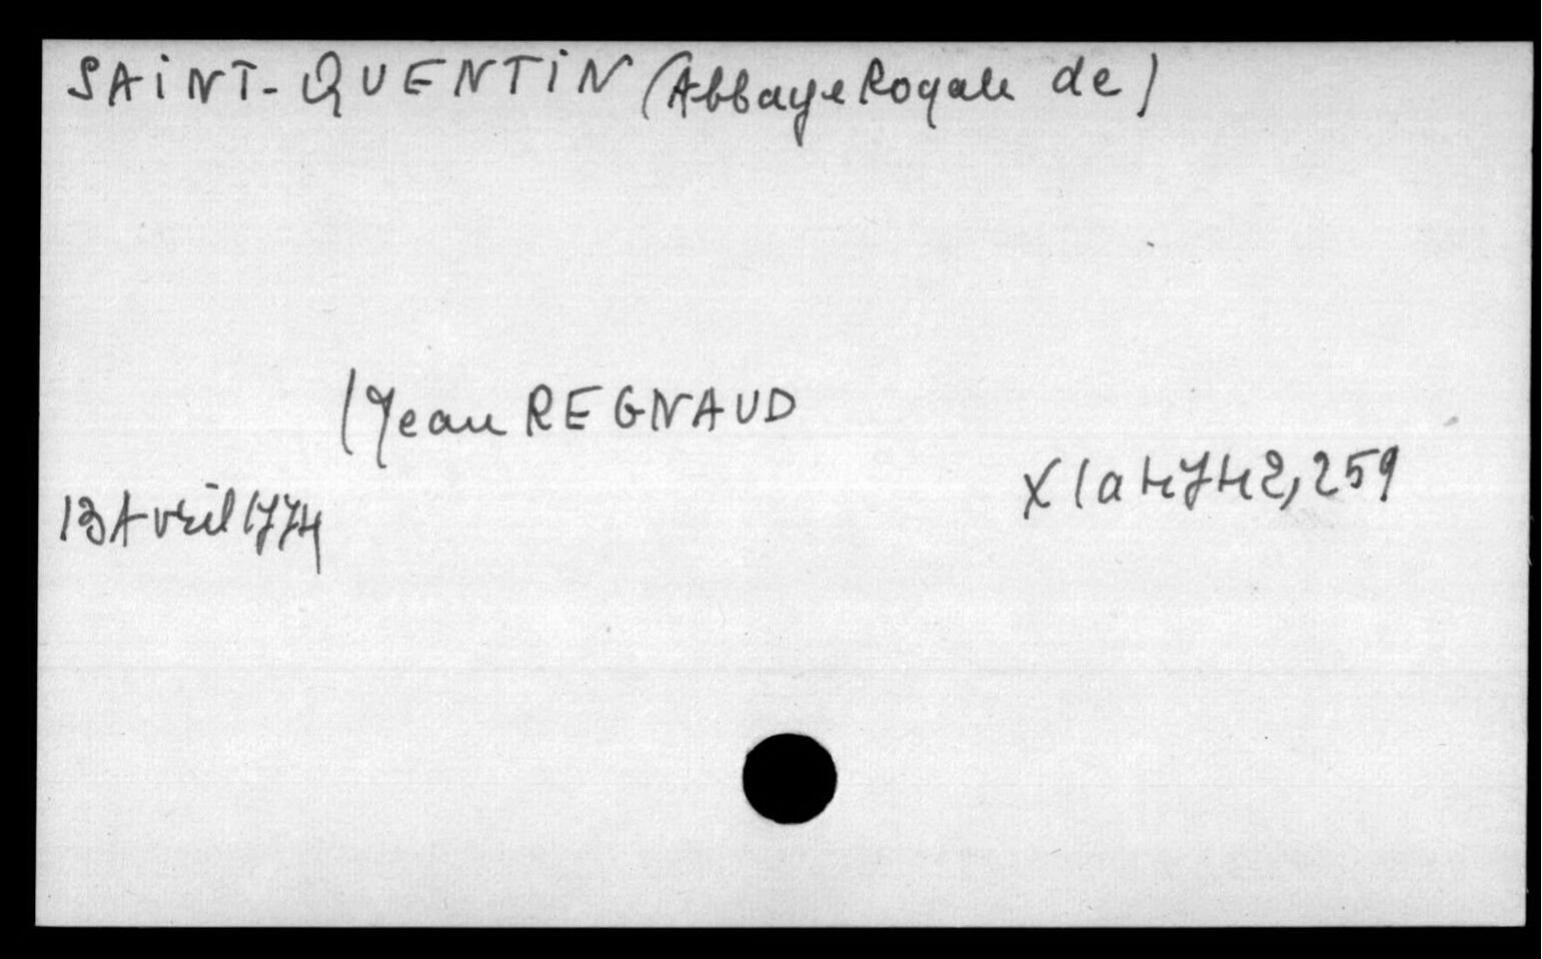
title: SAINT-QUENTIN (Abbaye Royale de)
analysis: Contre Jean REGNAUD
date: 13 avril 1774
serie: X1a
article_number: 4742
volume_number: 259
